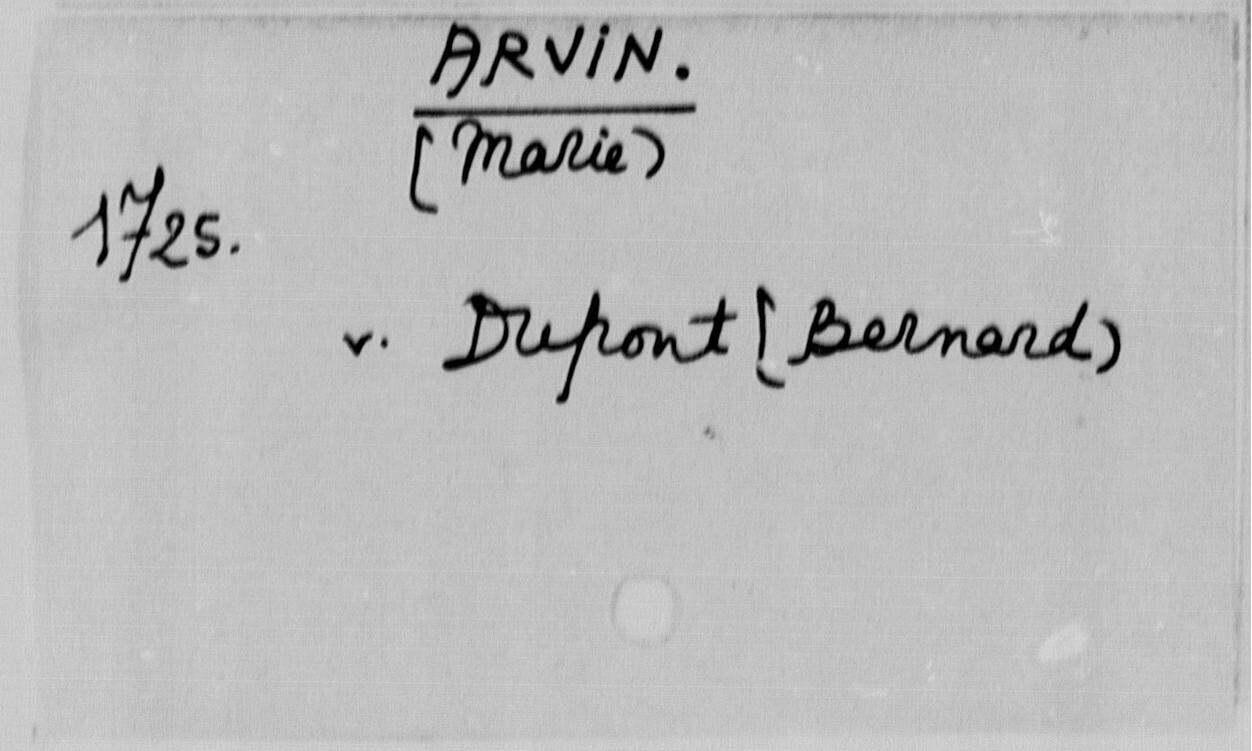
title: ARVIN (Marie)
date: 1725
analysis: Voir DUPONT (Bernard)
